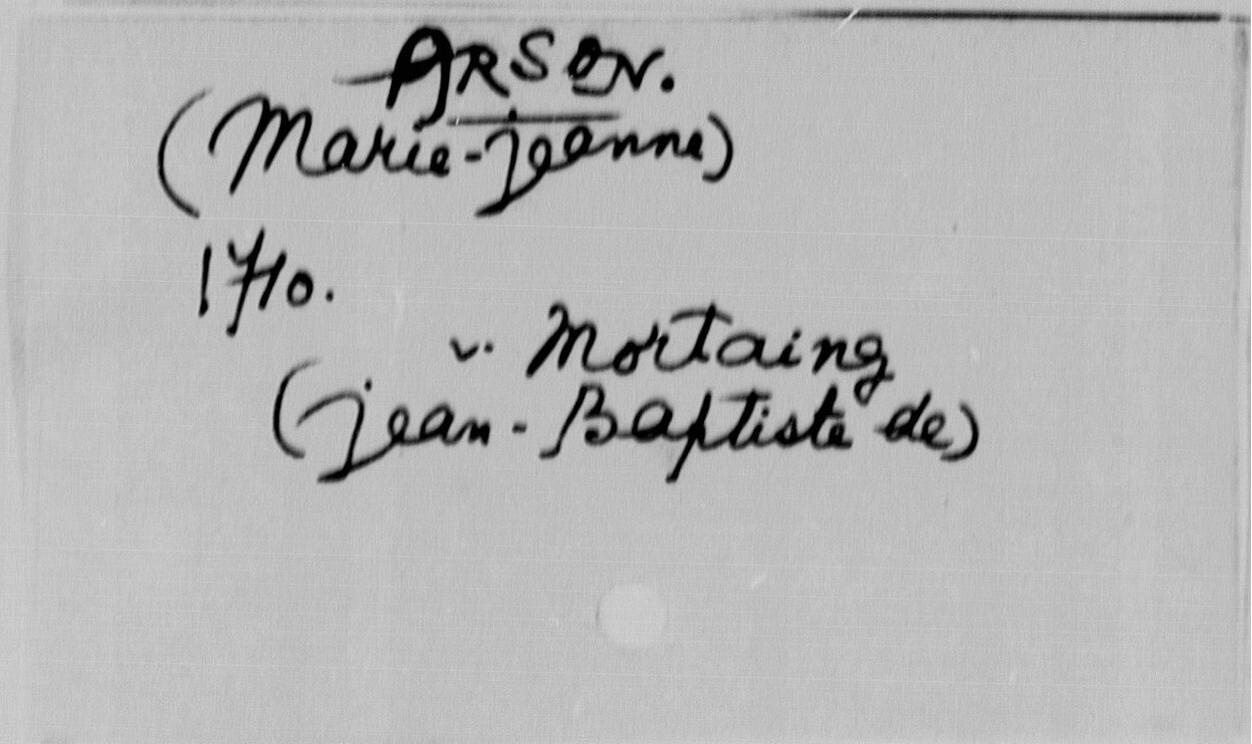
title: ARSON (Marie-Jeanne)
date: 1710
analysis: Voir MORTAING (Jean-Baptiste de)
